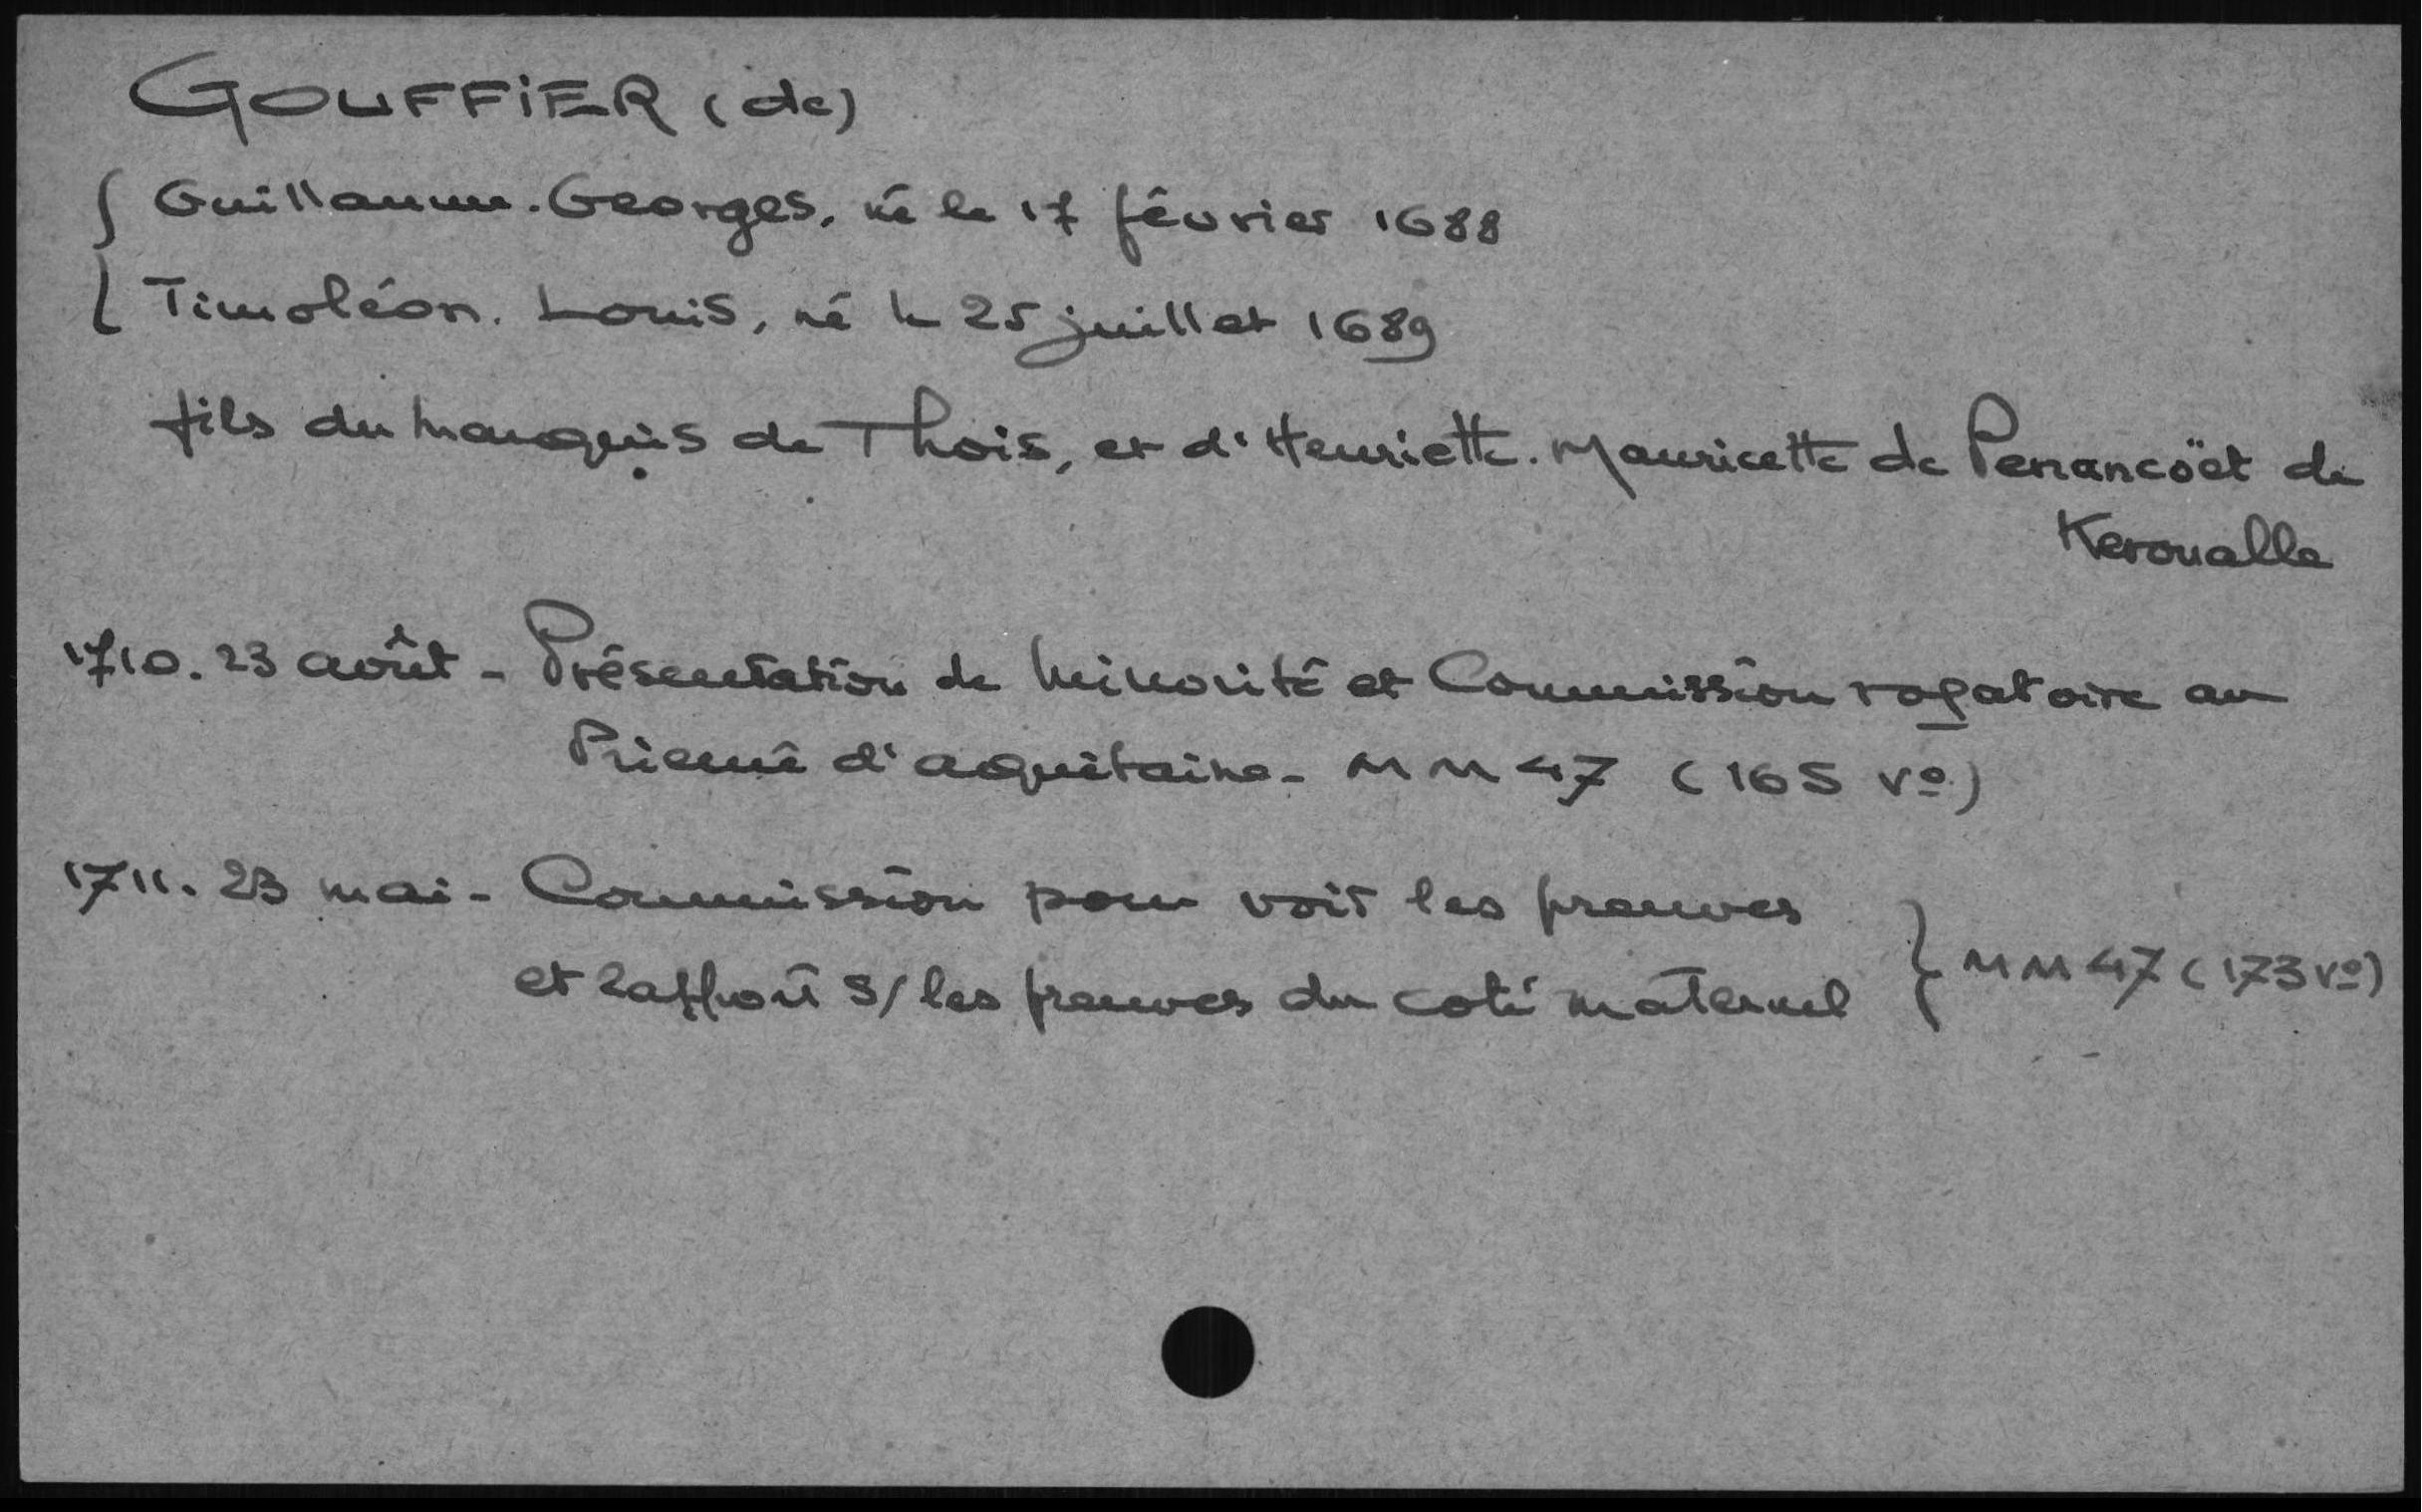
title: GOUFFIER (de) Guillaume-Georges, né le 17 février 1688 Timoléon-Louis, né le 25 juillet 1689 fils du marquis de Thois, et d'Henriette-Mauricette de Penancoët de Keroualle
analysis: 1710, 23 août. Présentation de minorité et commission rogatoire au Prieuré d'Aquitaine. MM 47 (165v) 1711, 23 mai. Commission pour voir les preuves et rapport sur les preuves du côté maternel. MM 47 (173v)
